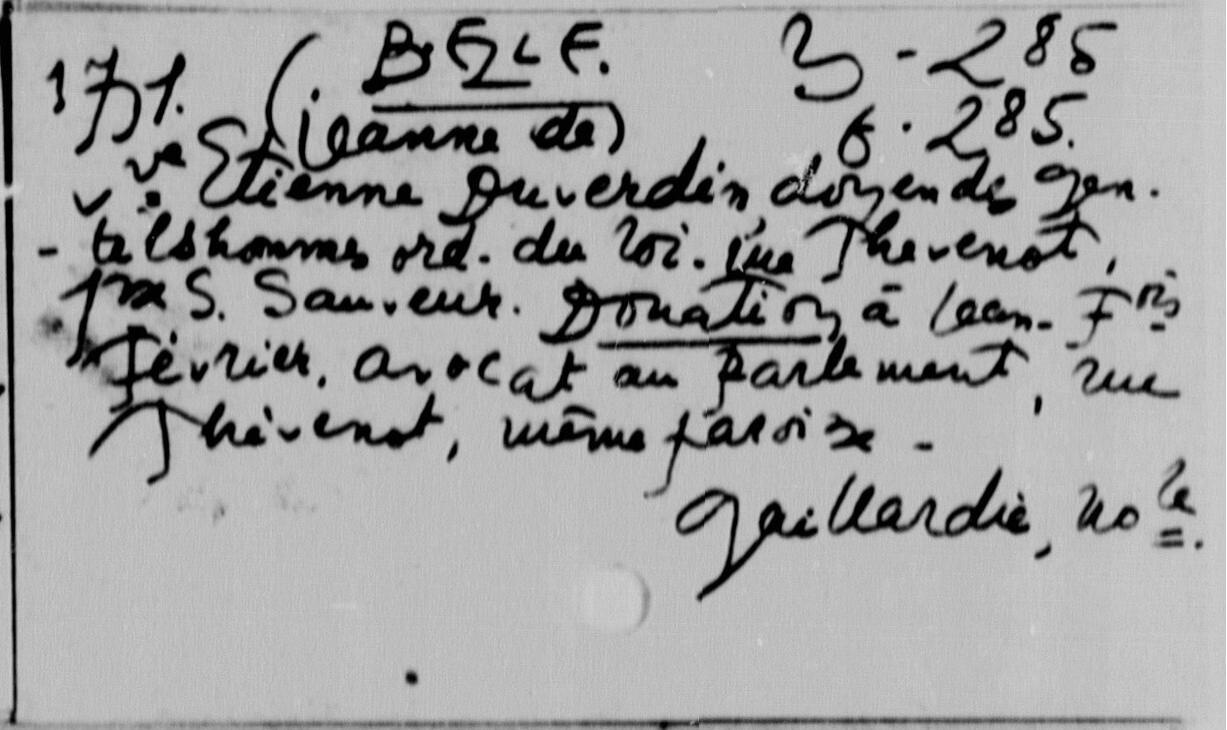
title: BELLE (Jeanne de)
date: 1711
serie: Y
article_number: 285
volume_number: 285
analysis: Veuve Etienne Duverdin doyen des Gentilshommes ordinaires du roi. rue Thevenot, paroisse Saint-Sauveur. Donation à Jean-François Février, avocat au Parlement, rue Thévenot, même paroisse. Gaillardie, notaire.
